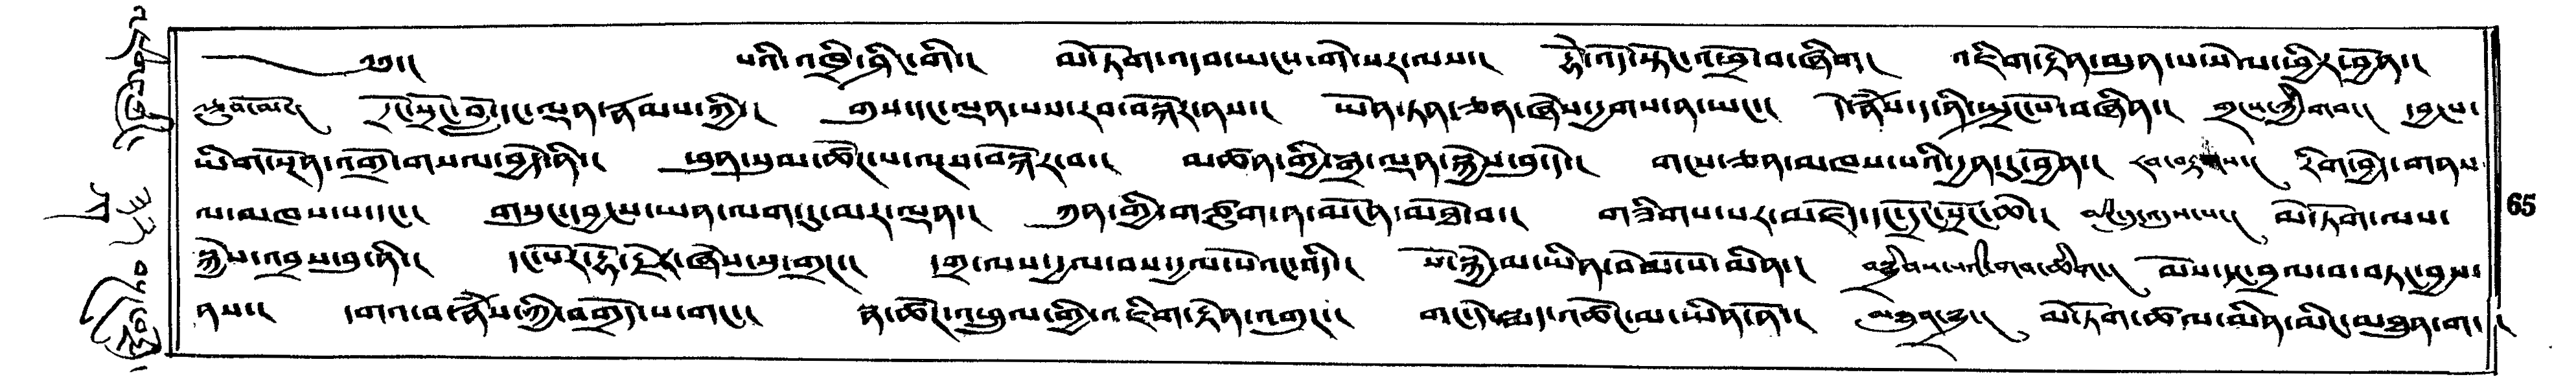པའི་འཁྲི་ཤིང་གི །མེ་ཏོག་འདབ་ཡངས་གེ་སར་ལས། །རྡོ་རྗེ་འོད་སྟོང་འཕྲོ་བ་ཞིག །འཇིག་རྟེན་མུན་པ་སེལ་ཕྱིར་བྱོན། ། 
རྩུབ་མོ། དྲང་སྲོང་བློ་དང་ལྡན་རྣམས་ཀྱི། །གུས་དང་ལྡན་པས་རབ་བསྐོར་ནས། །ཡོན་ཏན་ཅན་ཞེས་རྒྱགས་ན་ཡང་། །དེ་རྣམས་ད་ནི་སྤྲང་པོ་བཞིན། ། གྲངས་ཀྱི་གབ། དབྱངས་
ཡིག་སྔོན་འགྲོ་གསལ་བྱེད་ནི། །ཕུན་སུམ་ཚོགས་པ་ལྔས་བསྐོར་བ། །མཚན་གྱི་སྒྲ་ལྡན་སྐྱེས་བུ་དེ། །གངས་ཅན་མཁས་པའི་རྒྱན་དུ་བྱོན། ། རབ་བརྟགས། རིག་བྱེད་གནས་
ལ་མཁས་པ་དང་། །གསུང་དབྱངས་ཡན་ལག་དུ་མར་ལྡན། །ཀུན་གྱི་གཙུག་ན་མངོན་མཐོ་བ། །གཟིགས་པར་མཛོད་དང་དྲང་སྲོང་ཆེ། །མིང་དུ་འདུས་པ། མེ་ཏོག་ལས་
སྐྱེས་འབྲས་བུ་ནི། །དང་པོར་རྡོ་རྗེ་ཞེས་སུ་གྲགས། །དགྲ་ལས་རྒྱལ་བས་རྒྱལ་པོའང་འདི། །སོ་སྐྱེ་མ་ཡིན་བེམ་པོ་མིན། ། བསྒྲིབས་པའི་གབ་ཚིག མོས་དང་བྲལ་བ་བཏང་བྱས་
ནས། །དགའ་བ་རྣམས་ཀྱི་བགྲོད་པ་གང་། །སྣ་ཚོགས་འཕྲུལ་གྱི་འཇིག་རྟེན་འགུགས། །གང་དེ་སྨད་འཚོང་མ་ཡིན་ནོ། ། མཐུན་སྒྲ། མེ་ཏོག་ཚལ་མིན་མིང་མཐུན་གང་།